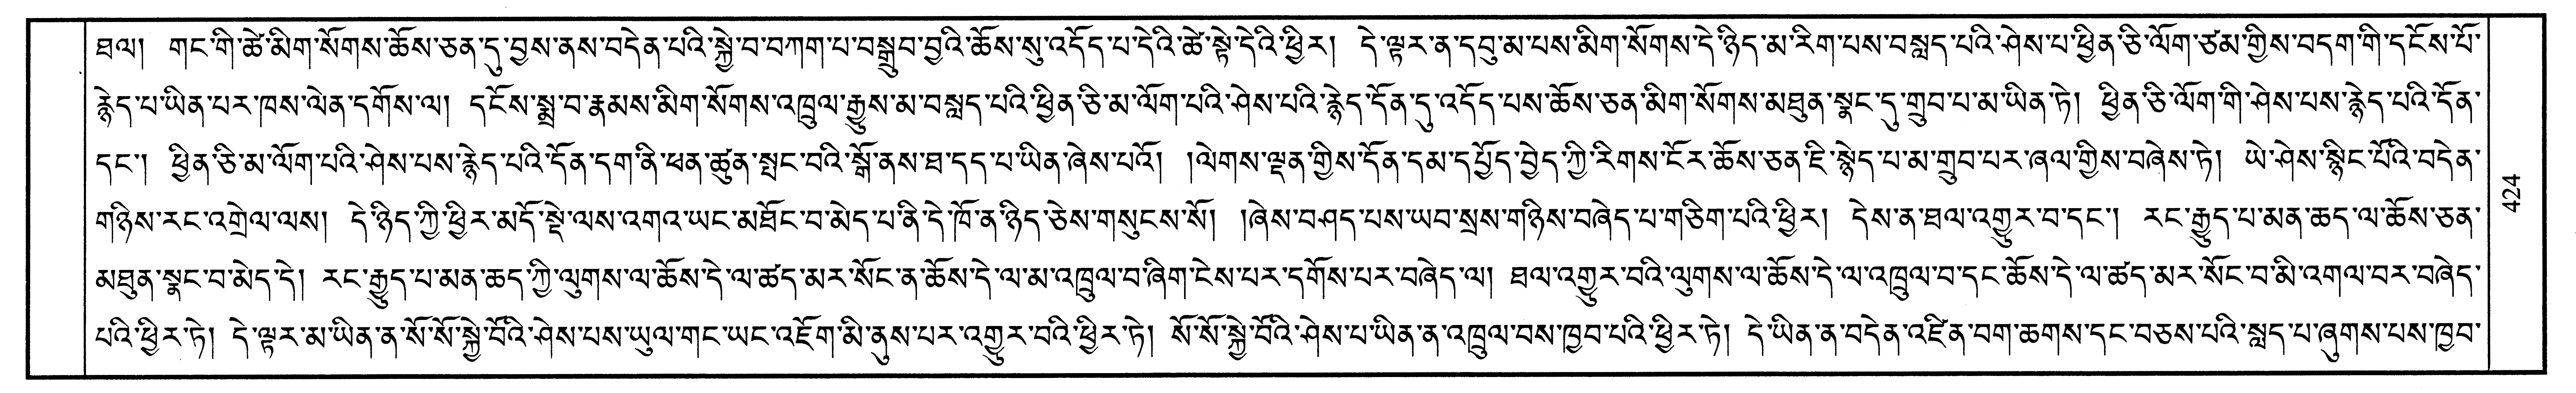ཐལ། གང་གི་ཚེ་མིག་སོགས་ཆོས་ཅན་དུ་བྱས་ནས་བདེན་པའི་སྐྱེ་བ་བཀག་པ་བསྒྲུབ་བྱའི་ཆོས་སུ་འདོད་པ་དེའི་ཚེ་སྟེ་དེའི་ཕྱིར། དེ་ལྟར་ན་དབུ་མ་པས་མིག་སོགས་དེ་ཉིད་མ་རིག་པས་བསླད་པའི་ཤེས་པ་ཕྱིན་ཅི་ལོག་ཙམ་གྱིས་བདག་གི་དངོས་པོ་
རྙེད་པ་ཡིན་པར་ཁས་ལེན་དགོས་ལ། དངོས་སྨྲ་བ་རྣམས་མིག་སོགས་འཁྲུལ་རྒྱུས་མ་བསླད་པའི་ཕྱིན་ཅི་མ་ལོག་པའི་ཤེས་པའི་རྙེད་དོན་དུ་འདོད་པས་ཆོས་ཅན་མིག་སོགས་མཐུན་སྣང་དུ་གྲུབ་པ་མ་ཡིན་ཏེ། ཕྱིན་ཅི་ལོག་གི་ཤེས་པས་རྙེད་པའི་དོན་
དང་། ཕྱིན་ཅི་མ་ལོག་པའི་ཤེས་པས་རྙེད་པའི་དོན་དག་ནི་ཕན་ཚུན་སྤང་བའི་སྒོ་ནས་ཐ་དད་པ་ཡིན་ཞེས་པའོ། །ལེགས་ལྡན་གྱིས་དོན་དམ་དཔྱོད་བྱེད་ཀྱི་རིགས་ངོར་ཆོས་ཅན་ཇི་སྙེད་པ་མ་གྲུབ་པར་ཞལ་གྱིས་བཞེས་ཏེ། ཡེ་ཤེས་སྙིང་པོའི་བདེན་
གཉིས་རང་འགྲེལ་ལས། དེ་ཉིད་ཀྱི་ཕྱིར་མདོ་སྡེ་ལས་འགའ་ཡང་མཐོང་བ་མེད་པ་ནི་དེ་ཁོ་ན་ཉིད་ཅེས་གསུངས་སོ། །ཞེས་བཤད་པས་ཡབ་སྲས་གཉིས་བཞེད་པ་གཅིག་པའི་ཕྱིར། དེས་ན་ཐལ་འགྱུར་བ་དང་། རང་རྒྱུད་པ་མན་ཆད་ལ་ཆོས་ཅན་
མཐུན་སྣང་བ་མེད་དེ། རང་རྒྱུད་པ་མན་ཆད་ཀྱི་ལུགས་ལ་ཆོས་དེ་ལ་ཚད་མར་སོང་ན་ཆོས་དེ་ལ་མ་འཁྲུལ་བ་ཞིག་ངེས་པར་དགོས་པར་བཞེད་ལ། ཐལ་འགྱུར་བའི་ལུགས་ལ་ཆོས་དེ་ལ་འཁྲུལ་བ་དང་ཆོས་དེ་ལ་ཚད་མར་སོང་བ་མི་འགལ་བར་བཞེད་
པའི་ཕྱིར་ཏེ། དེ་ལྟར་མ་ཡིན་ན་སོ་སོ་སྐྱེ་བོའི་ཤེས་པས་ཡུལ་གང་ཡང་འཇོག་མི་ནུས་པར་འགྱུར་བའི་ཕྱིར་ཏེ། སོ་སོ་སྐྱེ་བོའི་ཤེས་པ་ཡིན་ན་འཁྲུལ་བས་ཁྱབ་པའི་ཕྱིར་ཏེ། དེ་ཡིན་ན་བདེན་འཛིན་བག་ཆགས་དང་བཅས་པའི་སླད་པ་ཞུགས་པས་ཁྱབ་